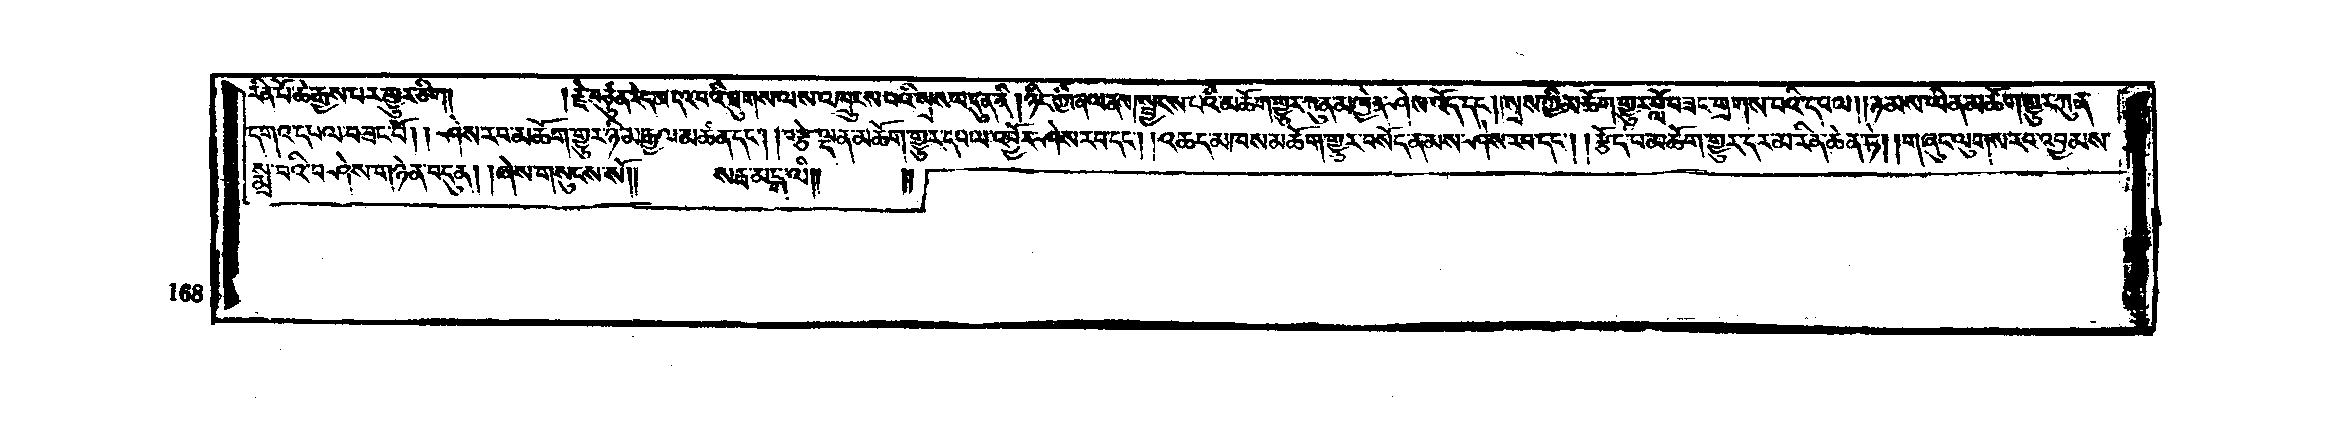རིན་པོ་ཆེ་རྒྱས་པར་གྱུར་ཅིག། །རྗེ་བཙུན་རེད་མདའ་བའི་ཐུགས་ལས་འཁྲུངས་པའི་སྲས་བདུན་ནི། ཉིད་ཀྱི་ཞལ་ནས། སྦྱངས་པའི་མཆོག་གྱུར་ཀུན་མཁྱེན་ཤེས་འོད་དང་། །སྲས་ཀྱི་མཆོག་གྱུར་བློ་བཟང་གྲགས་པའི་དཔལ། །ཉམས་ལེན་མཆོག་གྱུར་ཀུན་
དགའ་དཔལ་བཟང་པོ། །ཤེས་རབ་མཆོག་གྱུར་ཉི་མ་རྒྱལ་མཚན་དང་། །བརྩེ་ལྡན་མཆོག་གྱུར་དཔལ་འབྱོར་ཤེས་རབ་དང་། །འཆད་མཁས་མཆོག་གྱུར་བསོད་ནམས་ཤེས་རབ་དང་། །རྩོད་པ་མཆོག་གྱུར་དར་མ་རིན་ཆེན་ཏེ། །གཞུང་ལུགས་རབ་འབྱམས་
སྨྲ་བའི་བཤེས་གཉེན་བདུན། །ཞེས་གསུངས་སོ།། སརྦ་མངྒ་ལཾ།། །།